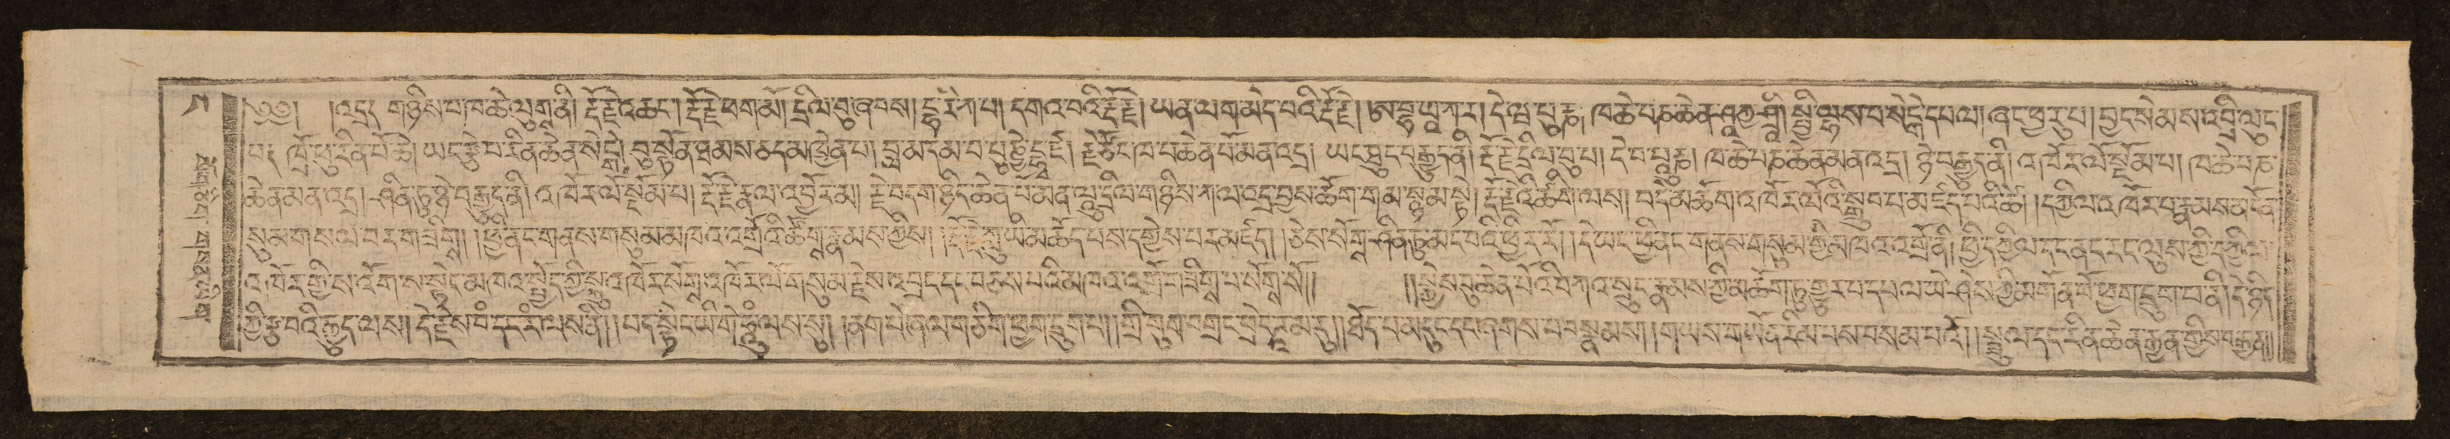༄༅། །འདྲ༑ གཉིས་པ་ཁ་ཆེ་ལུགས་ནི། རྡོ་རྗེ་འཆང་། རྡོ་རྗེ་ཕག་མོ། དྲིལ་བུ་ཞབས། དྷ་རི་ཀ་པ། དགའ་བའི་རྡོ་རྗེ། ཡན་ལག་མེད་བའི་རྡོ་རྗེ། ཨ་བྷ་ཡཱ་ཀར། དེ་ཝ་པུརྞ། ཁ་ཆེ་བཎ་ཆེན་ཤཱཀྱ་ཤྲཱི། སྤྱི་ལྷས་བ་སེངྒེ་དཔལ། ཞང་ཕྱ་རུ་པ། བྱང་སེམས་འབྲི་ལུང་
པ༑ ཁྲོ་ཕུ་རིན་པོ་ཆེ། ཡང་རྩེ་པ་རིན་ཆེན་སེངྒེ། བུ་སྟོན་ཐམས་ཅད་མཁྱེན་པ། བླ་མ་དམ་པ་པུཎྱེ་དྷྭ་ཛ། རྗེ་ཙོང་ཁ་པ་ཆེན་པོ་མན་འདྲ། ཡང་ཐུང་བརྒྱུད་ནི། རྡོ་རྗེ་དྲིལ་བུ་པ། དེ་བ་པཱུ་རྞ། ཁ་ཆེ་པཎ་ཆེན་མན་འདྲ། ཉེ་བརྒྱུད་ནི། འཁོར་ལོ་སྔོམ་པ། ཁ་ཆེ་པཎ་
ཆེན་མན་འདྲ། ཤིན་ཏུ་ཉེ་བརྒྱུད་ནི། འཁོར་ལོ་སྔོམ་པ། རྡོ་རྗེ་རྣལ་འབྱོར་མ། རྗེ་བདག་ཉིད་ཆེན་པོ་མན་ལཱུ་དྲིལ་གཉིས་ཀ་ལ་འདྲ་བྱས་ཆོག་གམ་སྙམ་སྟེ། རྡོ་རྗེའི་ཚིག་ལས། བདེ་མཆོག་འཁོར་ལོའི་སྒྲུབ་པ་མཛད་པའི་ཚེ། །དཀྱིལ་འཁོར་བ་རྣམས་མངོན་
སུམ་གསལ་བར་གཟིགས། །ཕྱི་ནང་གནས་གསུམ་མཁའ་འགྲོའི་ཚོགས་རྣམས་ཀྱིས། །རྡོ་རྗེ་ཀླུ་ཡི་མཆོད་པས་དགྱེས་པར་མཛད། །ཅེས་སོགས་ཤིན་ཏུ་མང་བའི་ཕྱིར་རོ། །དེ་ཡང་ཕྱི་ནང་གནས་གསུམ་གྱི་མཁའ་འགྲོ་ནི། ཕྱི་དཀྱིལ་དང་ནང་རང་ལུས་ཀྱི་དཀྱིལ་
འཁོར་གྱི་ས་འོགས་སྟེང་མཁའ་སྤྱོད་ཀྱི་སྐུ་འཁོར་སོགས་འཁོར་ལོ་གསུམ་རྗེས་འབྲང་དང་བཅས་པའི་མཁའ་འགྲོ་གཟིགས་པ་སོགས་སོ།། །།སྐྱེས་བུ་ཆེན་པོའི་བཀའ་སྲུང་རྣམས་ཀྱི་མཆོག་ཏུ་གྱུར་པ་དཔལ་ཡེ་ཤེས་ཀྱི་མགོན་པོ་ཕྱག་དྲུག་པ་ནི། དེ་ཉིད་
ཀྱི་རྩ་བའི་རྒྱུད་ལས། དེ་རྗེས་བཾ་དང་རཾ་ལས་ནི། །པད་སྟེང་ཡི་གེ་ཧཱུཾ་ལས་སུ། །ནག་པོ་ཞལ་གཅིག་ཕྱག་དྲུག་པ། །གྲི་གུག་བགྲང་ཕྲེང་ཌཱ་མ་རུ། །ཐོད་པ་མདུང་དང་ཞགས་པ་བསྣམས། །གཡས་གཡོན་རིམ་པས་བསམ་པའོ། །སྦྲུལ་དང་རིན་ཆེན་རྒྱན་གྱིས་བརྒྱན།